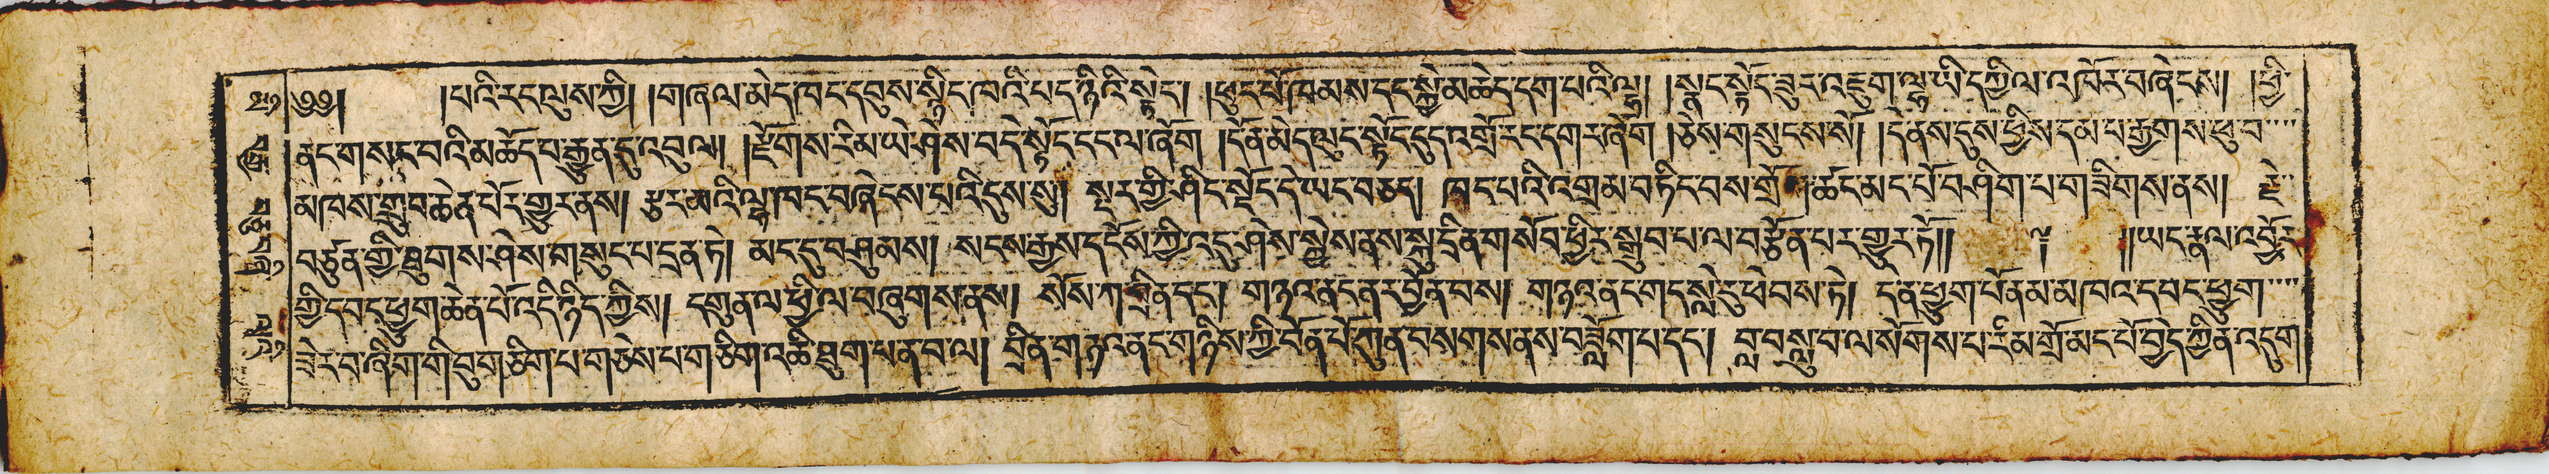པའི་རང་ལུས་ཀྱི། །གཞལ་མེད་ཁང་དབུས་སྙིང་ཁའི་པད་ཉིའི་སྟེང་། །ཕུང་པོ་ཁམས་དང་སྐྱེ་མཆེད་དག་པའི་ལྷ། །སྣང་སྟོང་ཟུང་འཇུག་ལྷ་ཡི་དཀྱིལ་འཁོར་བཞེངས། །ཕྱི་
ནང་གསང་བའི་མཆོད་བ་རྒྱུན་དུ་འབུལ། །རྫོགས་རིམ་ཡེ་ཤེས་བདེ་སྟོང་ངང་ལ་ཞོག །དོན་མེད་ལུང་སྟོང་དུད་འགྲོ་རང་དགར་ཞོག །ཅེས་གསུངས་སོ། །དེ་ནས་དུས་ཕྱིས་དམ་པ་རྒྱགས་ཕུ་བ་
མཁས་གྲུབ་ཆེན་པོར་གྱུར་ནས། རྩར་མའི་ལྷ་ཁང་བཞེངས་པའི་དུས་སུ། སྔར་གྱི་ཤིང་སྡོང་དེ་ཡང་བཅད། ཁང་པའི་འགྲམ་བཏིང་བས་གྲོག་ཚང་མང་པོ་བཤིག་པ་གཟིགས་ནས། རྗེ་
བཙུན་གྱི་ཐུགས་ཤེས་གསུང་པ་དྲན་ཏེ། མང་དུ་བཤུམས། སངས་རྒྱས་དངོས་ཀྱི་འདུ་ཤེས་སྐྱེས་ནས་སྐུ་དྲིན་གསོབ་ཕྱིར་སྒྲུབ་པ་ལ་བརྩོན་པར་གྱུར་ཏོ།། ༈ །།ཡང་རྣལ་འབྱོར་
གྱི་དབང་ཕྱུག་ཆེན་པོ་འདི་ཉིད་ཀྱིས། དགུན་ལ་ཕྱི་ལ་བཞུགས་ནས། སོས་ཀ་བྲིན་དང། གཉའ་ནང་ནར་བྱོན་པས། གཉའ་ནང་གད་སླེ་རུ་ཕེབས་ཏེ། དེ་ན་ཕྱུག་པོ་ནམ་མཁའ་དབང་ཕྱུག་
ཟེར་བ་ཞིག་གི་བུ་གཅིག་པ་གཅེས་པ་གཅིག་འཆི་ཐུག་པ་ན་བ་ལ། བྲིན་གཉའ་ནང་གཉིས་ཀྱི་བོན་པོ་ཀུན་བསགས་ནས་བཟློག་པ་དང་། བླ་བསླུ་བ་ལ་སོགས་པ་རིམ་གྲོ་མང་པོ་བྱེད་ཀྱིན་འདུག་